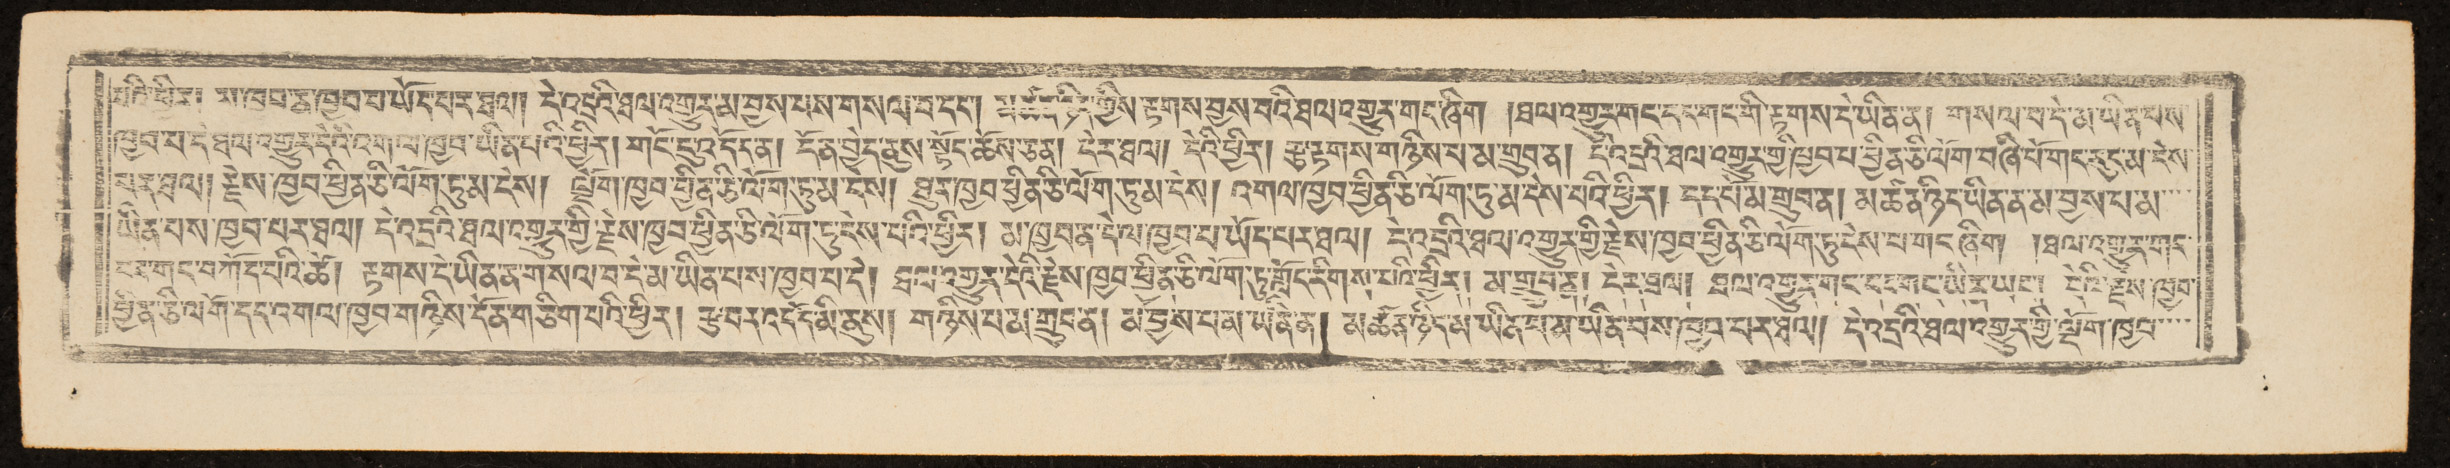པའི་ཕྱིར། མ་ཁྱབ་ན་ཁྱབ་པ་ཡོད་པར་ཐལ། དེ་འདྲའི་ཐལ་འགྱུར་མ་བྱས་པས་གསལ་བ་དང་། མཚན་ཉིད་ཀྱིས་རྟགས་བྱས་པའི་ཐལ་འགྱུར་གང་ཞིག། ཐལ་འགྱུར་གང་དང་གང་གི་རྟགས་དེ་ཡིན་ན། གསལ་བ་དེ་མ་ཡིན་པས་
ཁྱབ་པ་དེ་ཐལ་འགྱུར་དེའི་འགལ་ཁྱབ་ཡིན་པའི་ཕྱིར། གོང་དུ་འདོད་ན། དོན་བྱེད་ནུས་སྟོང་ཆོས་ཅན། དེར་ཐལ། དེའི་ཕྱིར། རྩ་རྟགས་གཉིས་པ་མ་གྲུབ་ན། དེ་འདྲའི་ཐལ་འགྱུར་གྱི་ཁྱབ་པ་ཕྱིན་ཅི་ལོག་བཞི་པོ་གང་རུང་མ་ངེས་
པར་ཐལ། རྗེས་ཁྱབ་ཕྱིན་ཅི་ལོག་ཏུ་མ་ངེས། ལྡོག་ཁྱབ་ཕྱིན་ཅི་ལོག་ཏུ་མ་ངེས། ཐུར་ཁྱབ་ཕྱིན་ཅི་ལོག་ཏུ་མ་ངེས། འགལ་ཁྱབ་ཕྱིན་ཅི་ལོག་ཏུ་མ་ངེས་པའི་ཕྱིར། དང་པོ་མ་གྲུབ་ན། མཚན་ཉིད་ཡིན་ན་མ་བྱས་པ་མ་
ཡིན་པས་ཁྱབ་པར་ཐལ། དེ་འདྲའི་ཐལ་འགྱུར་གྱི་རྗེས་ཁྱབ་ཕྱིན་ཅི་ལོག་ཏུ་ངེས་པའི་ཕྱིར། མ་ཁྱབ་ན་དེ་ལ་ཁྱབ་པ་ཡོད་པར་ཐལ། དེ་འདྲའི་ཐལ་འགྱུར་གྱི་རྗེས་ཁྱབ་ཕྱིན་ཅི་ལོག་ཏུ་ངེས་པ་གང་ཞིག། ཐལ་འགྱུར་གང་
དྲང་གང་བཀོད་པའི་ཚེ། རྟགས་དེ་ཡིན་ན་གསལ་བ་དེ་མ་ཡིན་པས་ཁྱབ་པ་དེ། ཐལ་འགྱུར་དེའི་རྗེས་ཁྱབ་ཕྱིན་ཅི་ལོག་ཏུ་གློང་རིགས་པའི་ཕྱིར། མ་གྲུབ་ན། དེར་ཐལ། ཐལ་འགྱུར་གང་དང་གང་ཡིན་ཡང་། དེའི་རྗེས་ཁྱབ་
བྱེད་ཅི་ལོག་དང་འགལ་ཁྱབ་གཉིས་དོན་གཅིག་པའི་ཕྱིར། རྩ་བར་འདོད་མི་ནུས། གཉིས་པ་མ་གྲུབ་ན། མ་བྱས་པ་མ་ཡིན་ན། མཚན་ཉིད་མ་ཡིན་པ་མ་ཡིན་པས་ཁྱབ་པར་ཐལ། དེ་འདྲའི་ཐལ་འགྱུར་གྱི་ལྡོག་ཁྱབ་